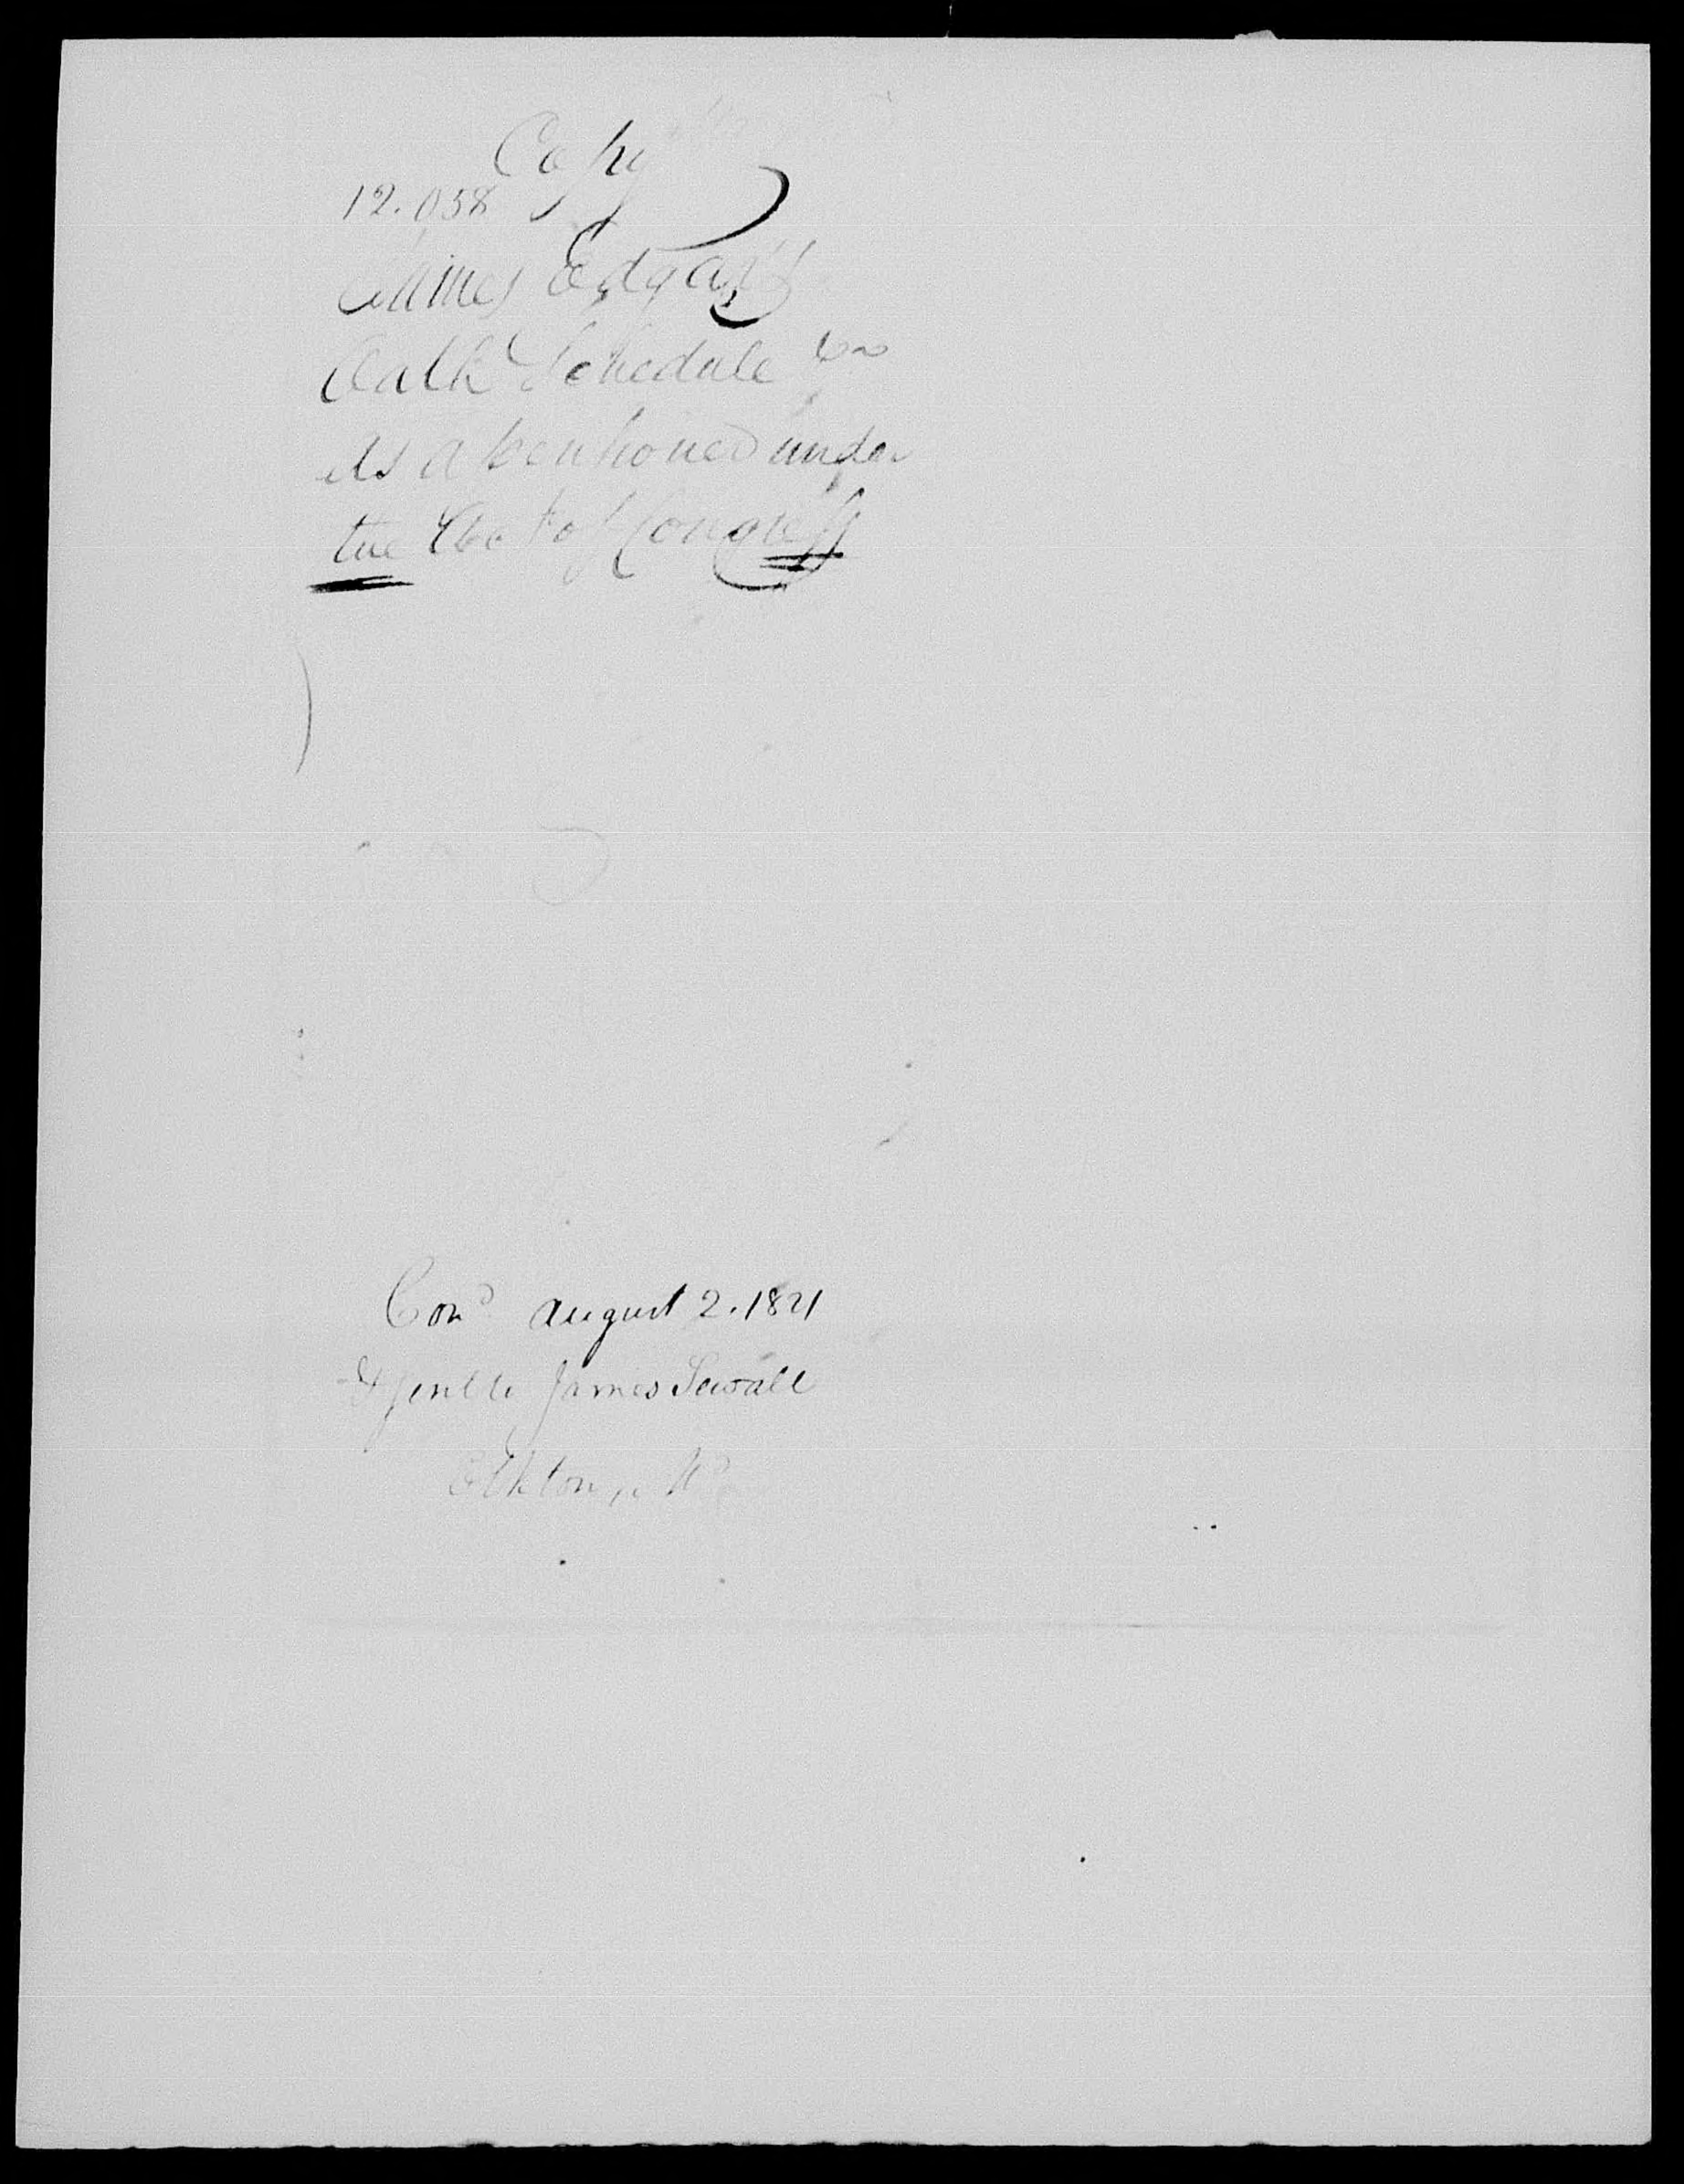Copy
12.038
James Edgar
Oath Schedule [illeg.]
as a pensioner under 
the Act of Congress


Cond. August 2. 1821
Honble James Sewall
Elkton, Md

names: James Sewall, James Edgar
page: 8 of 74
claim: widow's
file: W. 9422, James Edgar, Penn.